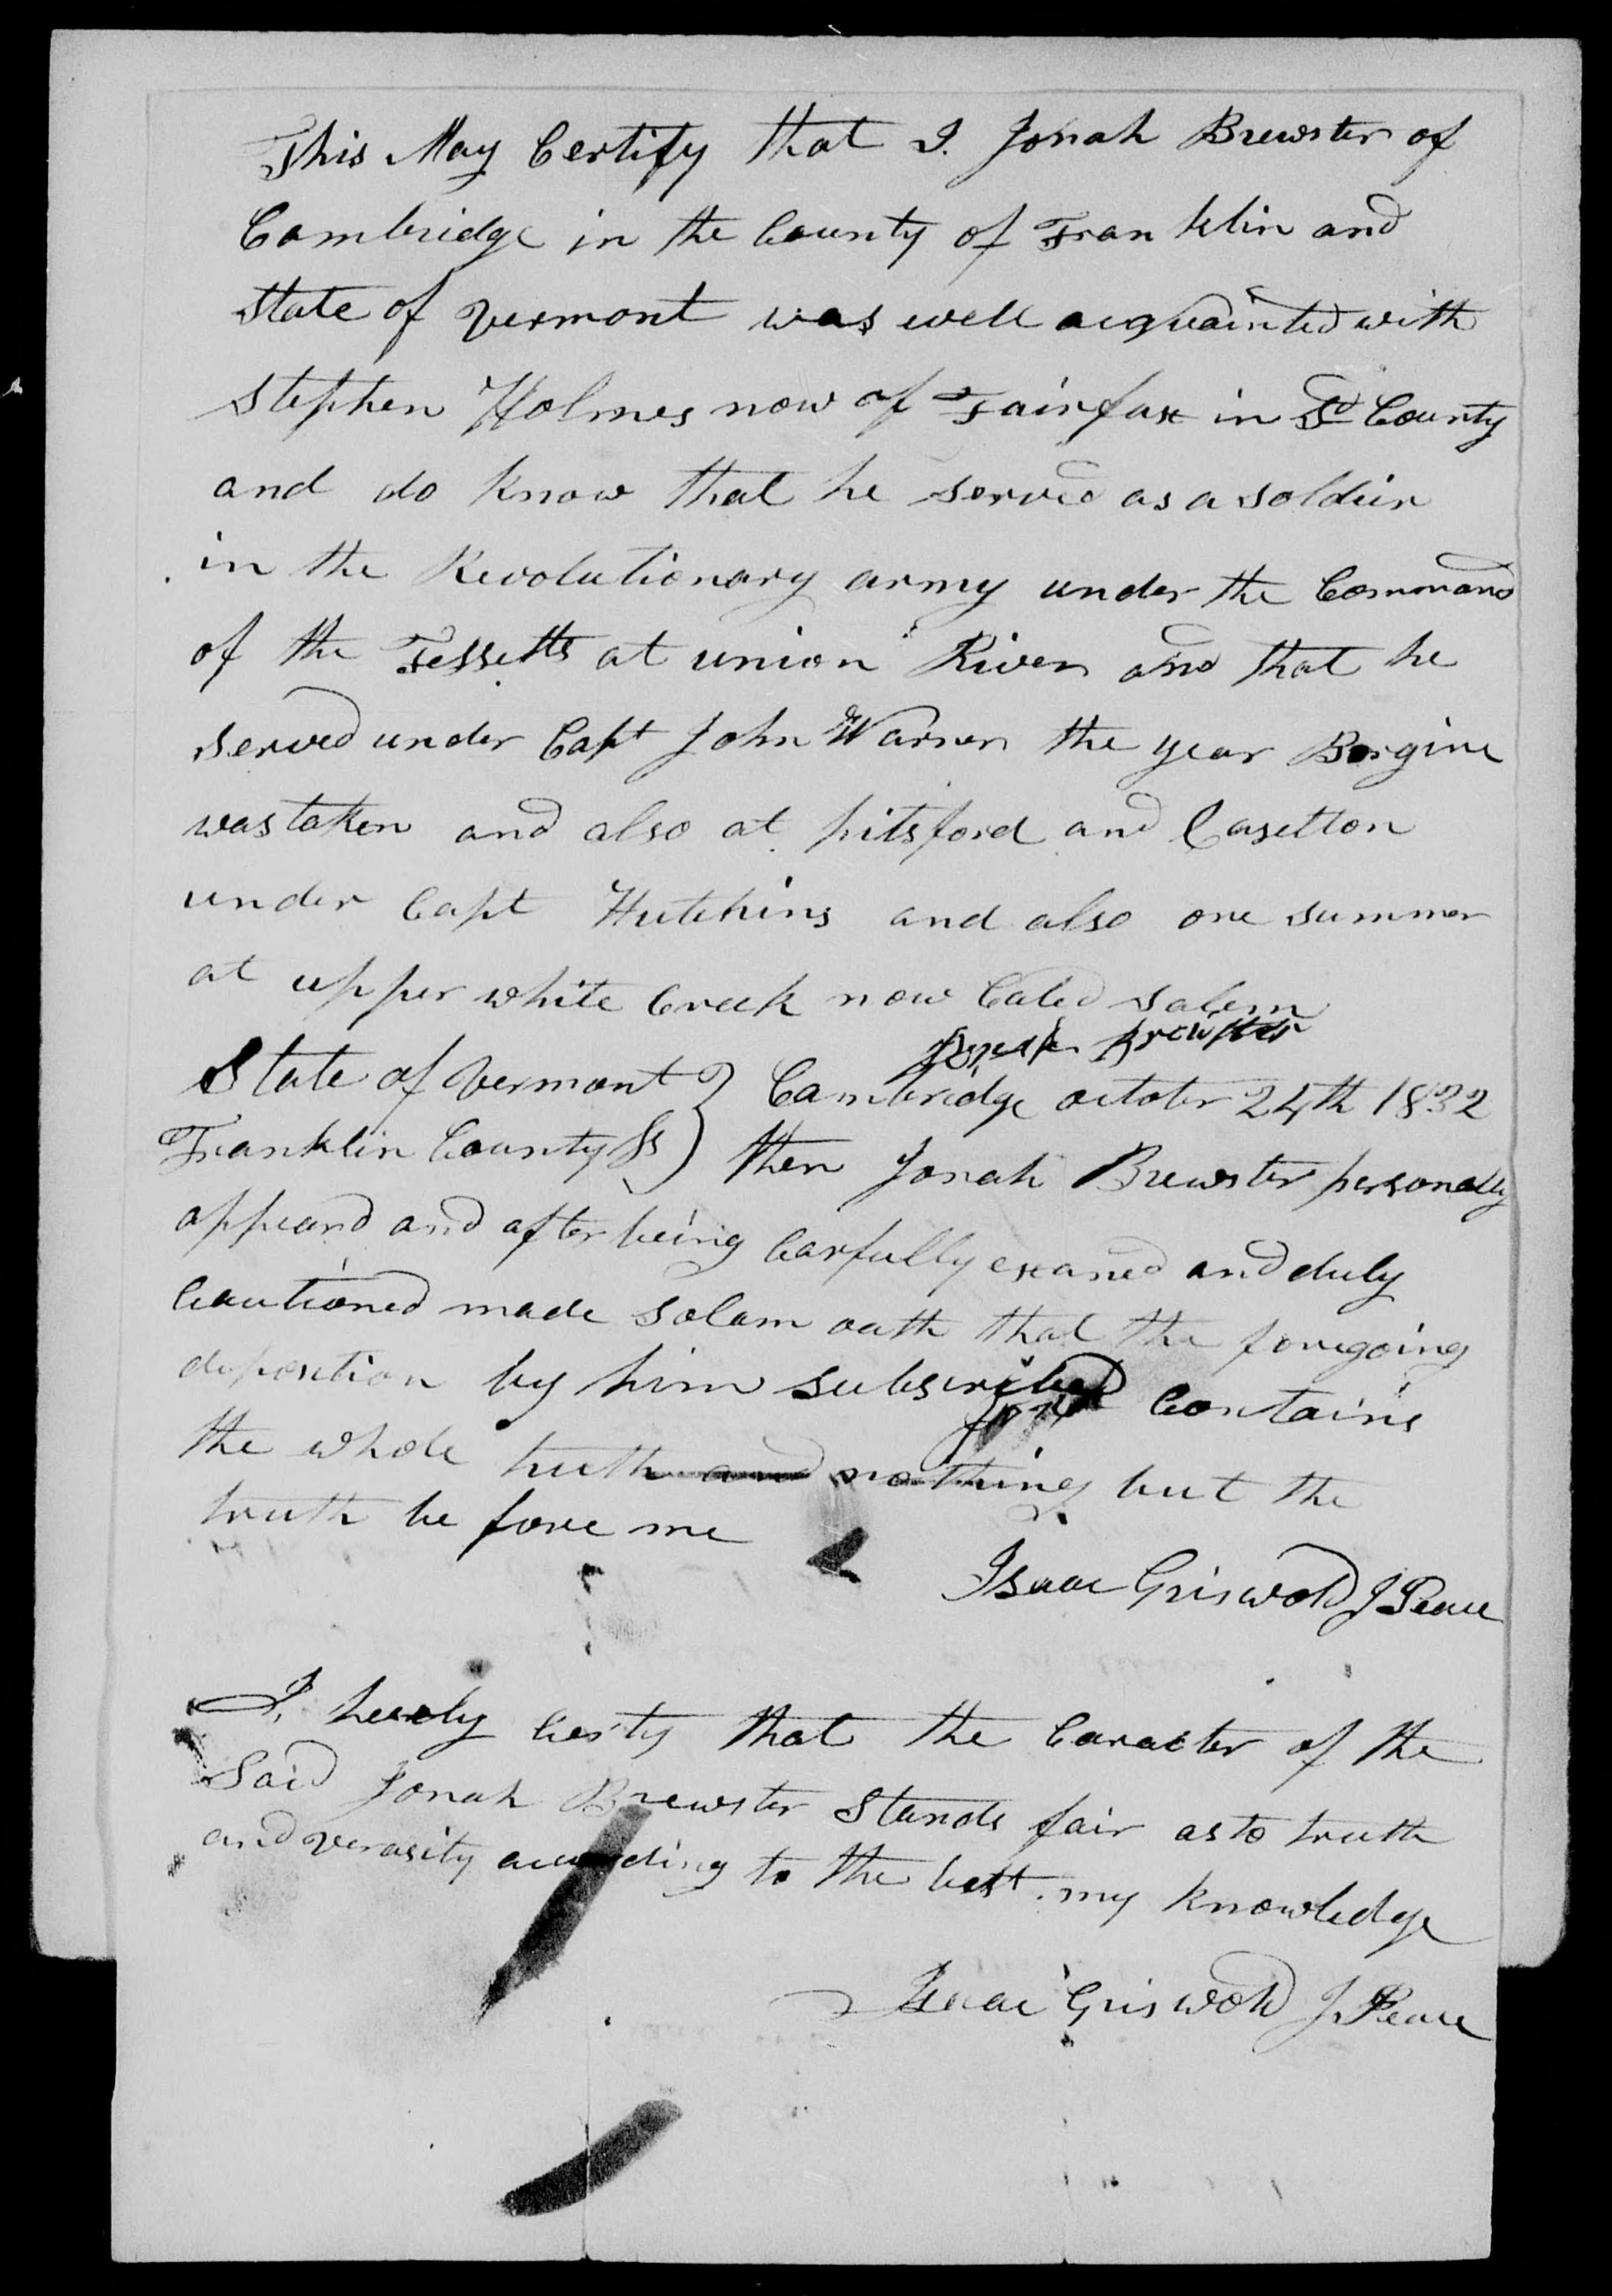This May Certify that I, Jonah Brewster of Cambridge in the County of Franklin and State of Vermont was well acquainted with Stephen Holmes now of Fairfax in sd County and do know that he served as a soldier in the Revolutionary army under the Command of the Fessetts at Union River and that he served under Capt John Warner the year [illegible] was taken and also at Pittsford and Castleton under Capt Hutchins and also one summer at upper White Creek now caled Salem

Jonah Brewster

State of Vermont
Franklin County ss

Cambridge October 24th 1832
then Jonah Brewster personally appeard and after being carefully [illegible] and duly cautioned made Solam oath that the foregoing declaration by him subsigned contains the whole truth and nothing but the truth before me

Isaac Griswold J Peace

I hereby [illegible] that the [illegible] of the said Jonah Brewster Stands fair as to truth and veracity according to the best my knowledge

Isaac Griswold J Peace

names: Jonah Brewster, John Warner, Jonah Brewster, Fessett, Hutchins, Stephen Holmes, Jonah Brewster, Jonah Brewster, Isaac Griswold, Isaac Griswold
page: 50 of 72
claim: widow's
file: W. 7771, Stephen Holmes, Vt.